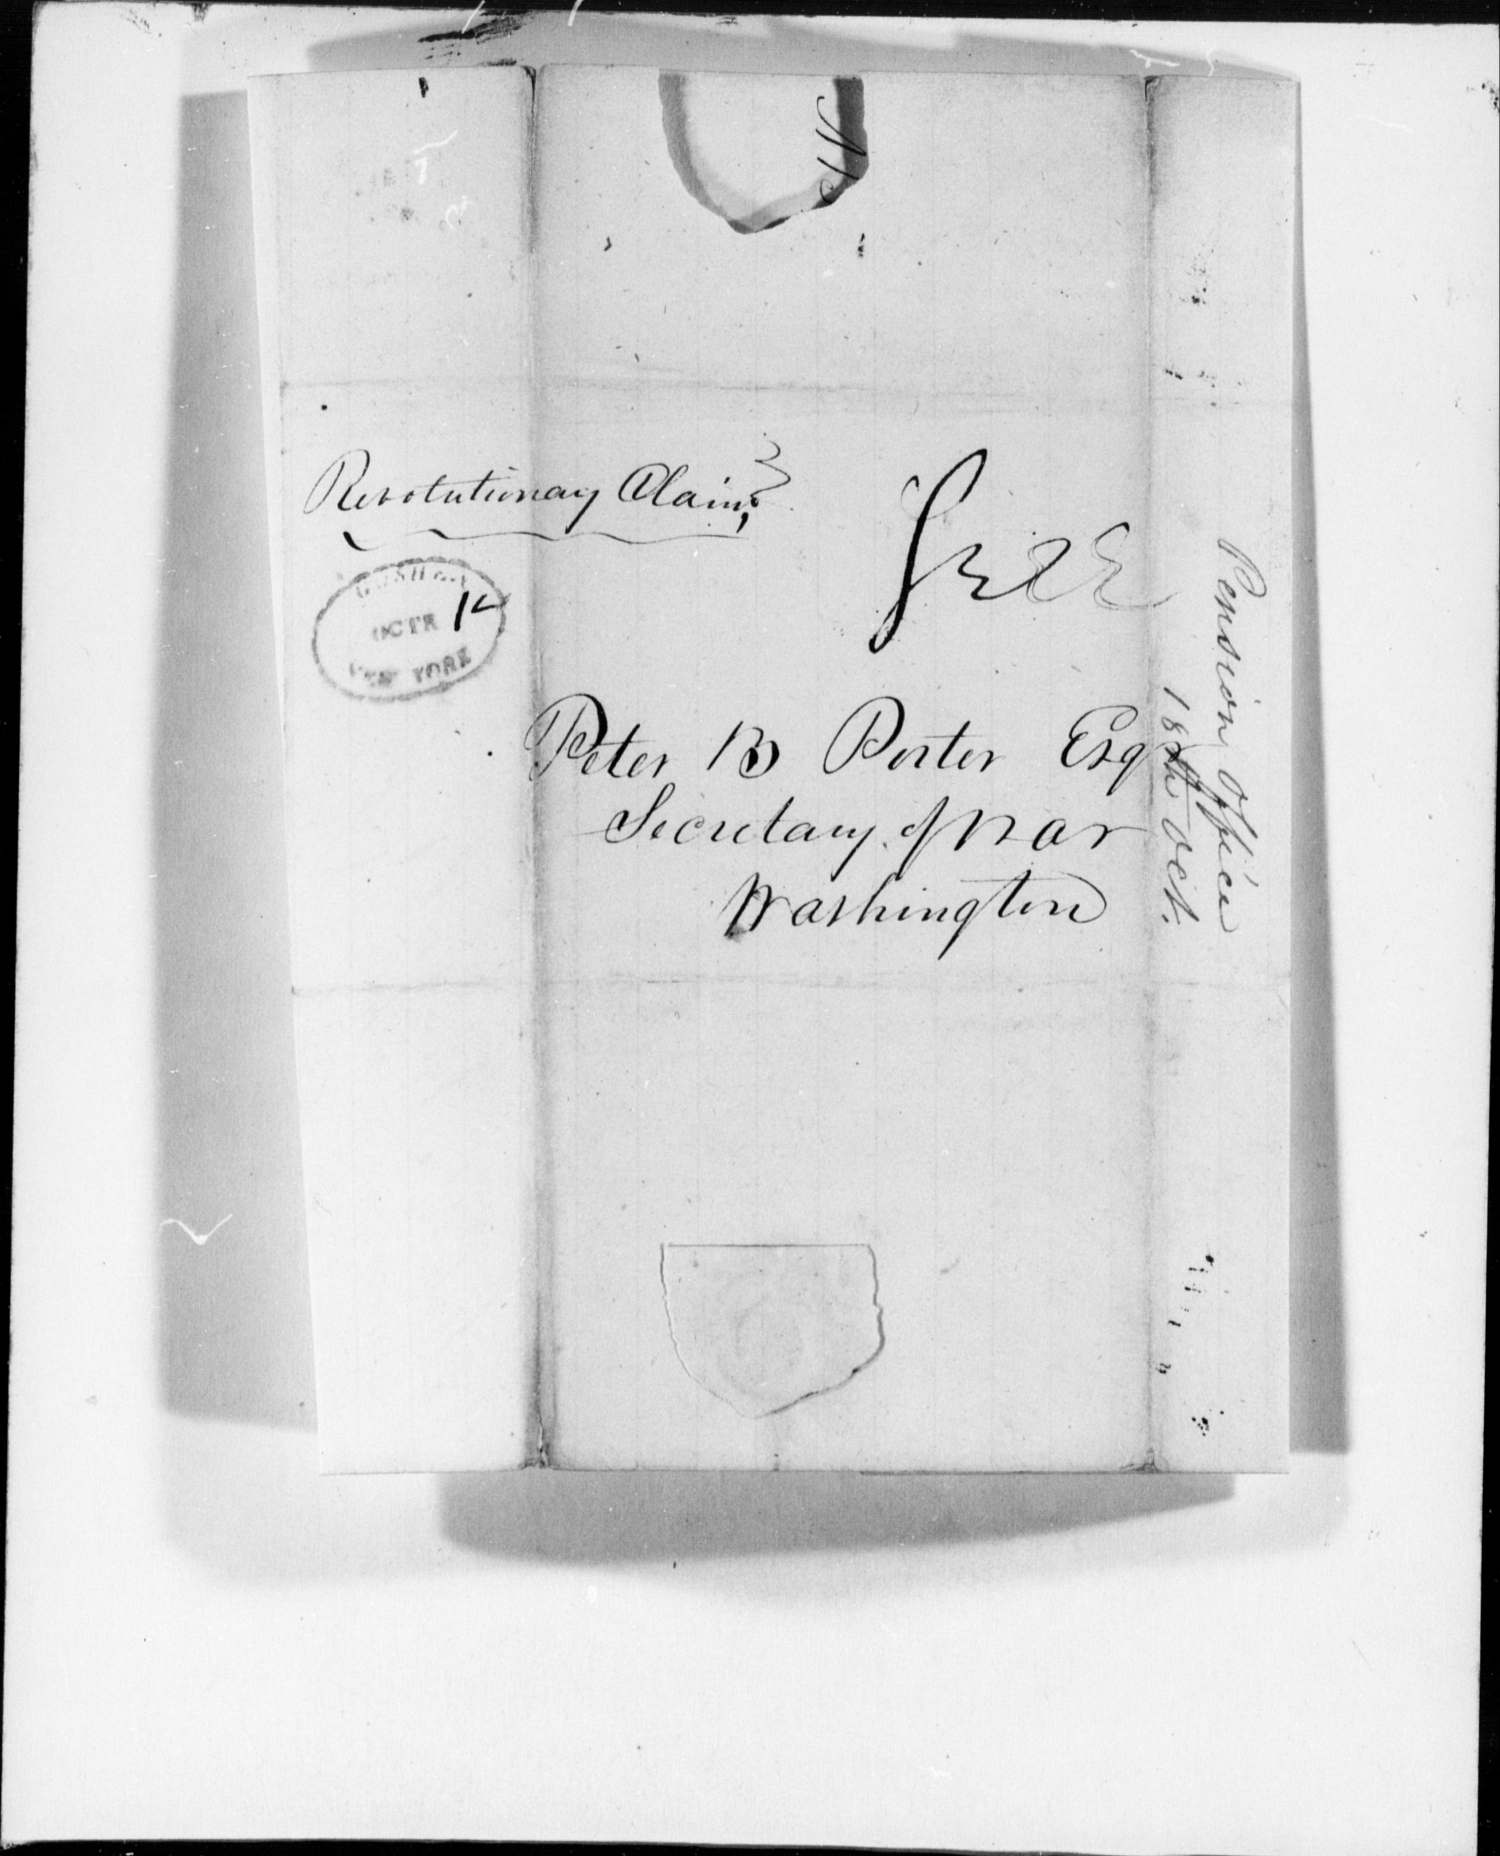Revolutionary claim
Free
Peter B Porter Esq.
Secretary of War
Washington 
Pension Office
18 Oct.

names: Peter B Porter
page: 11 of 13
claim: survivor's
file: S. 28,212, Mathew Adams, New York